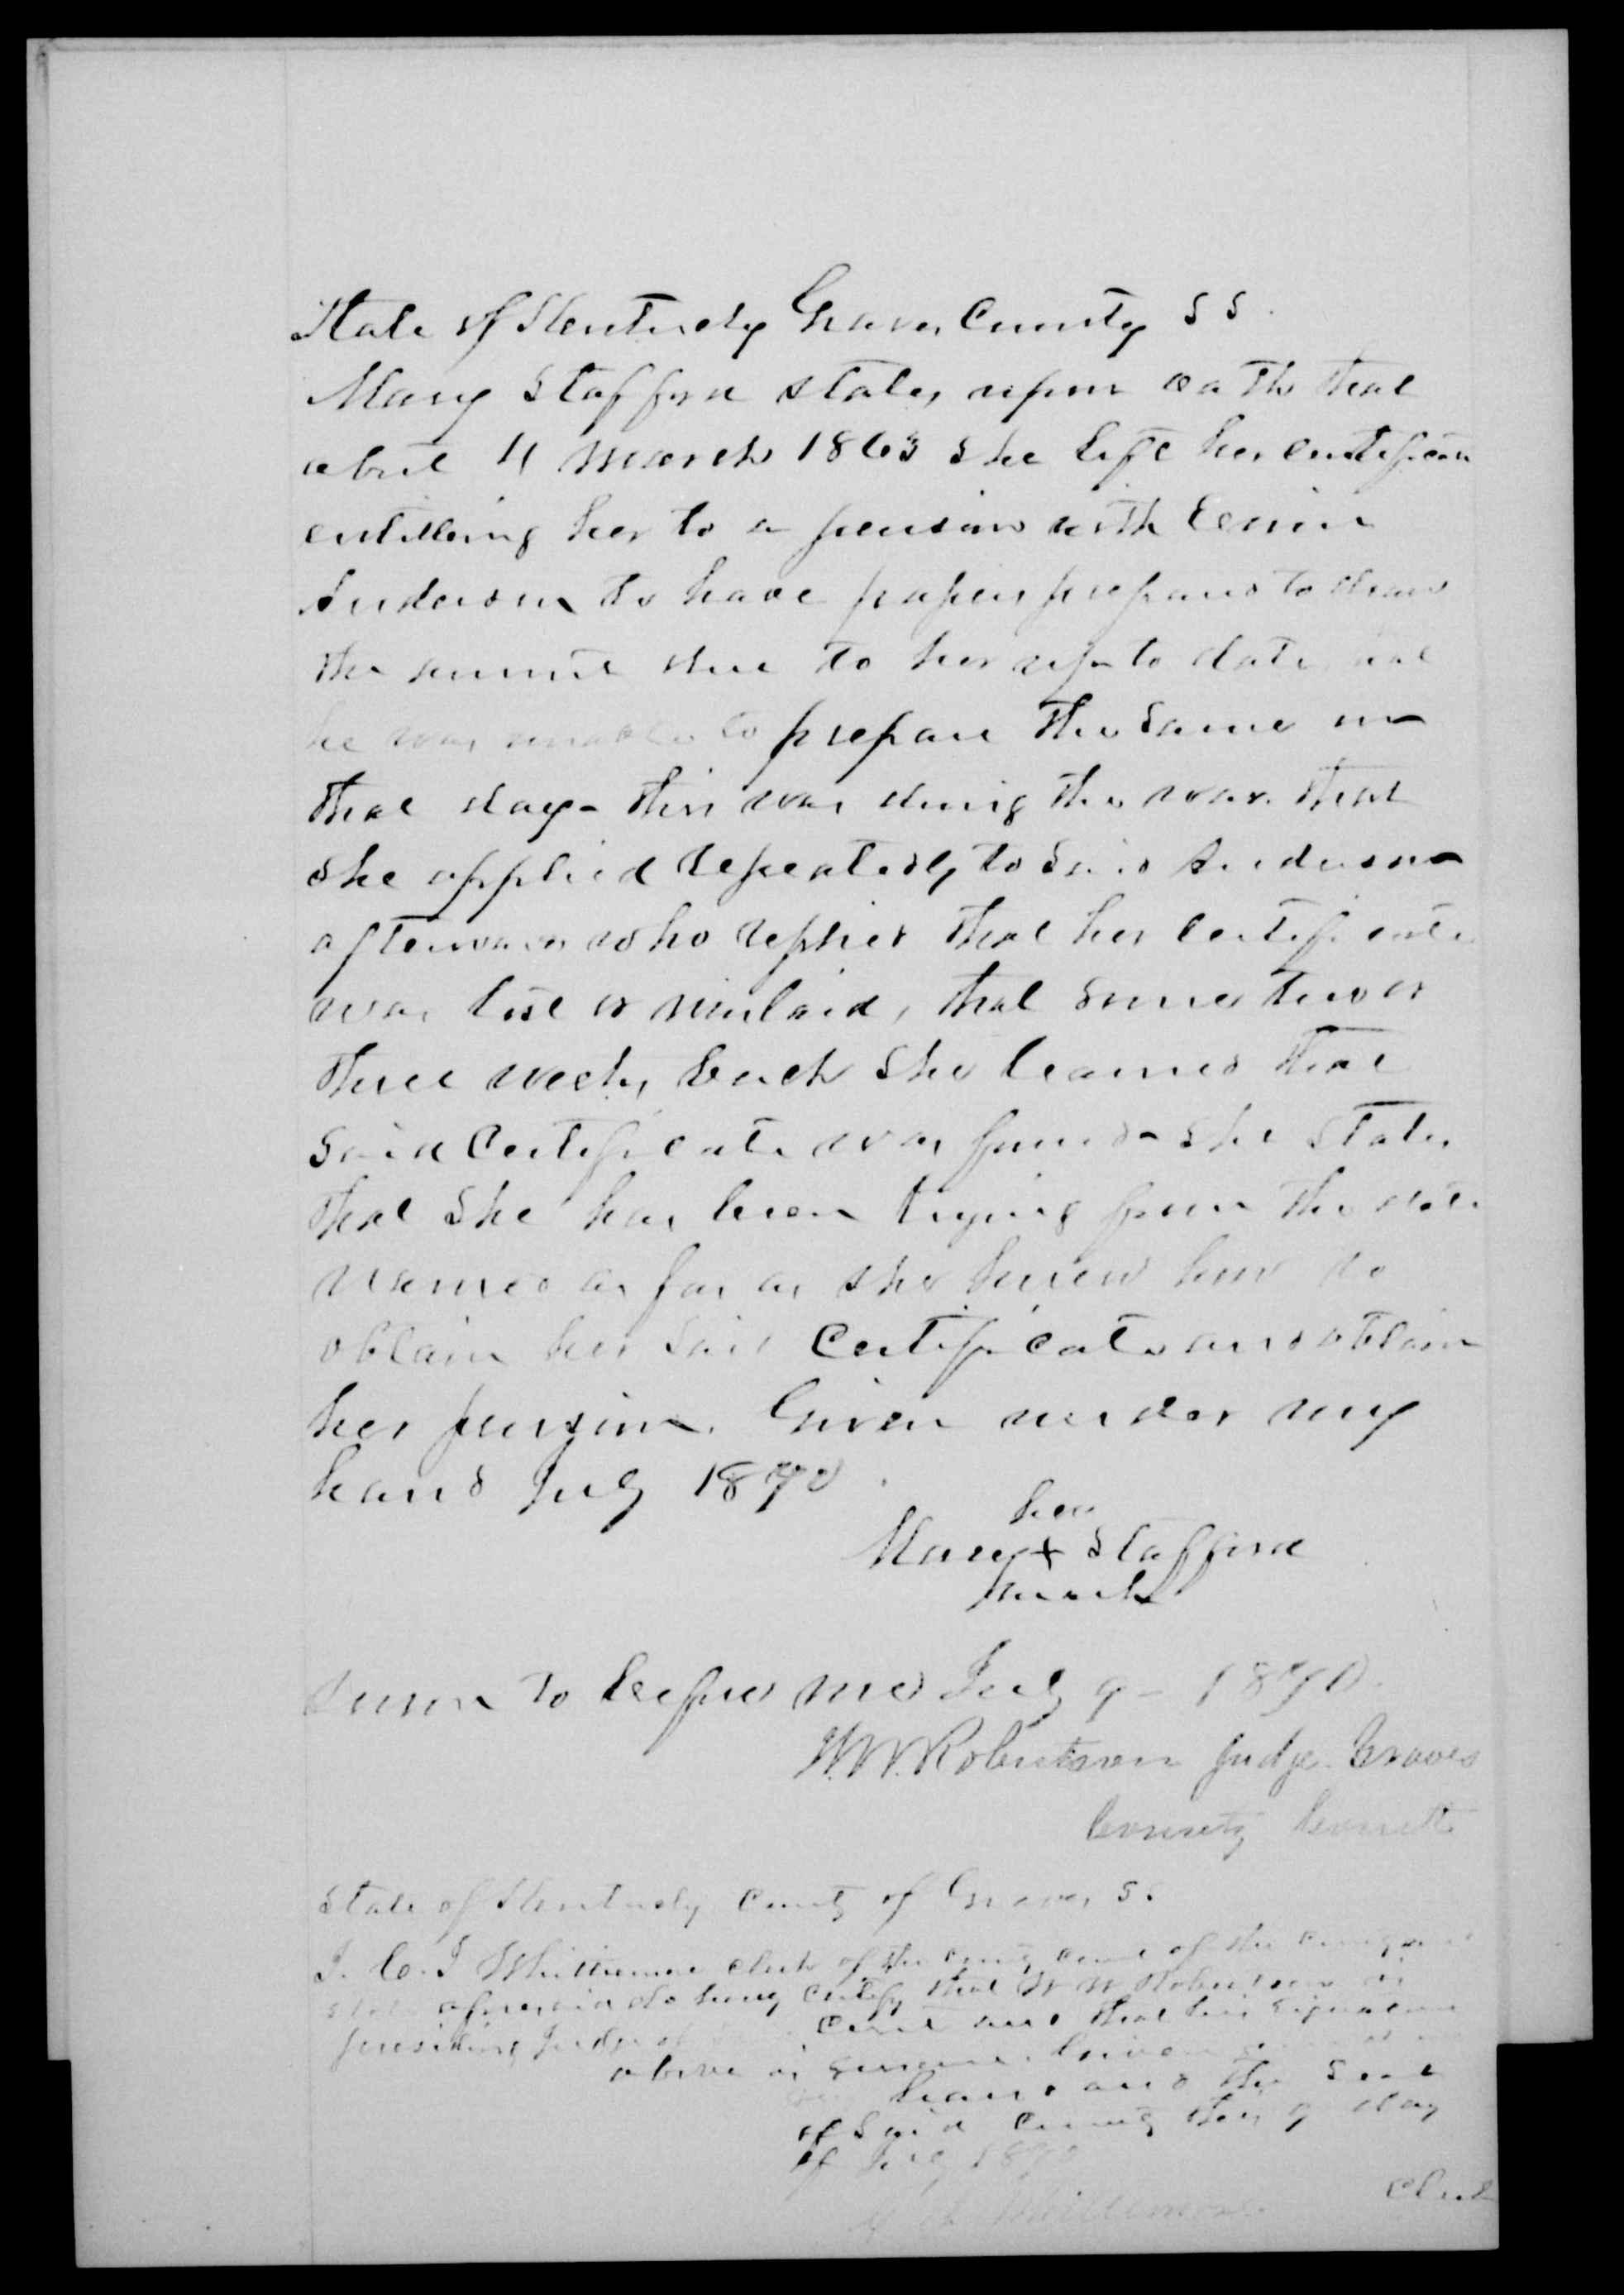State of Kentucky Graves County SS.
Mary Stafford states, upon oath that about 4 Month 1865 she left her certificate entitling her to a pension with Ernie Anderson to have papers prepared to claim the [undecipherable] here to h her [undecipherable] to date and he was unable to prepare the same in that day-this was during the war, that she applied repeatedly to S Anderson—afterwhich who repict[?] that her certificate was lost or mislaid, that same two or tree weeks, such she learned that said certificate was found. She states that she has been trying from the state nemco[?] as far as she [undercipherable] him to  obtain her said certificate and obtain her pension. Gven under my hand July 1870.
her
Mary X Stafford
mark

Sworn to before me July 9 1870
WW Robertson Judge Graves
County hennet[?]

State of Kentucky County of Graves SS.
I, C. J Whittemore, clerk of the county court of the county where the aforesaid of here certify that W W Robertson is presiding Judge, of		, court and that his expiration above is sincere,  leave[?]
Signed and the seal
of said county, this 9 day of July 1870
C J. Whittemore, clerk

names: Mary Stafford; Mary Stafford; Emie Anderson; W W Robertson; C J Whitlemore; [BLANK] Anderson; W W Robertson; C J Whitlemore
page: 43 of 61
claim: widow's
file: W. 11554, for John Stafford, Maryland